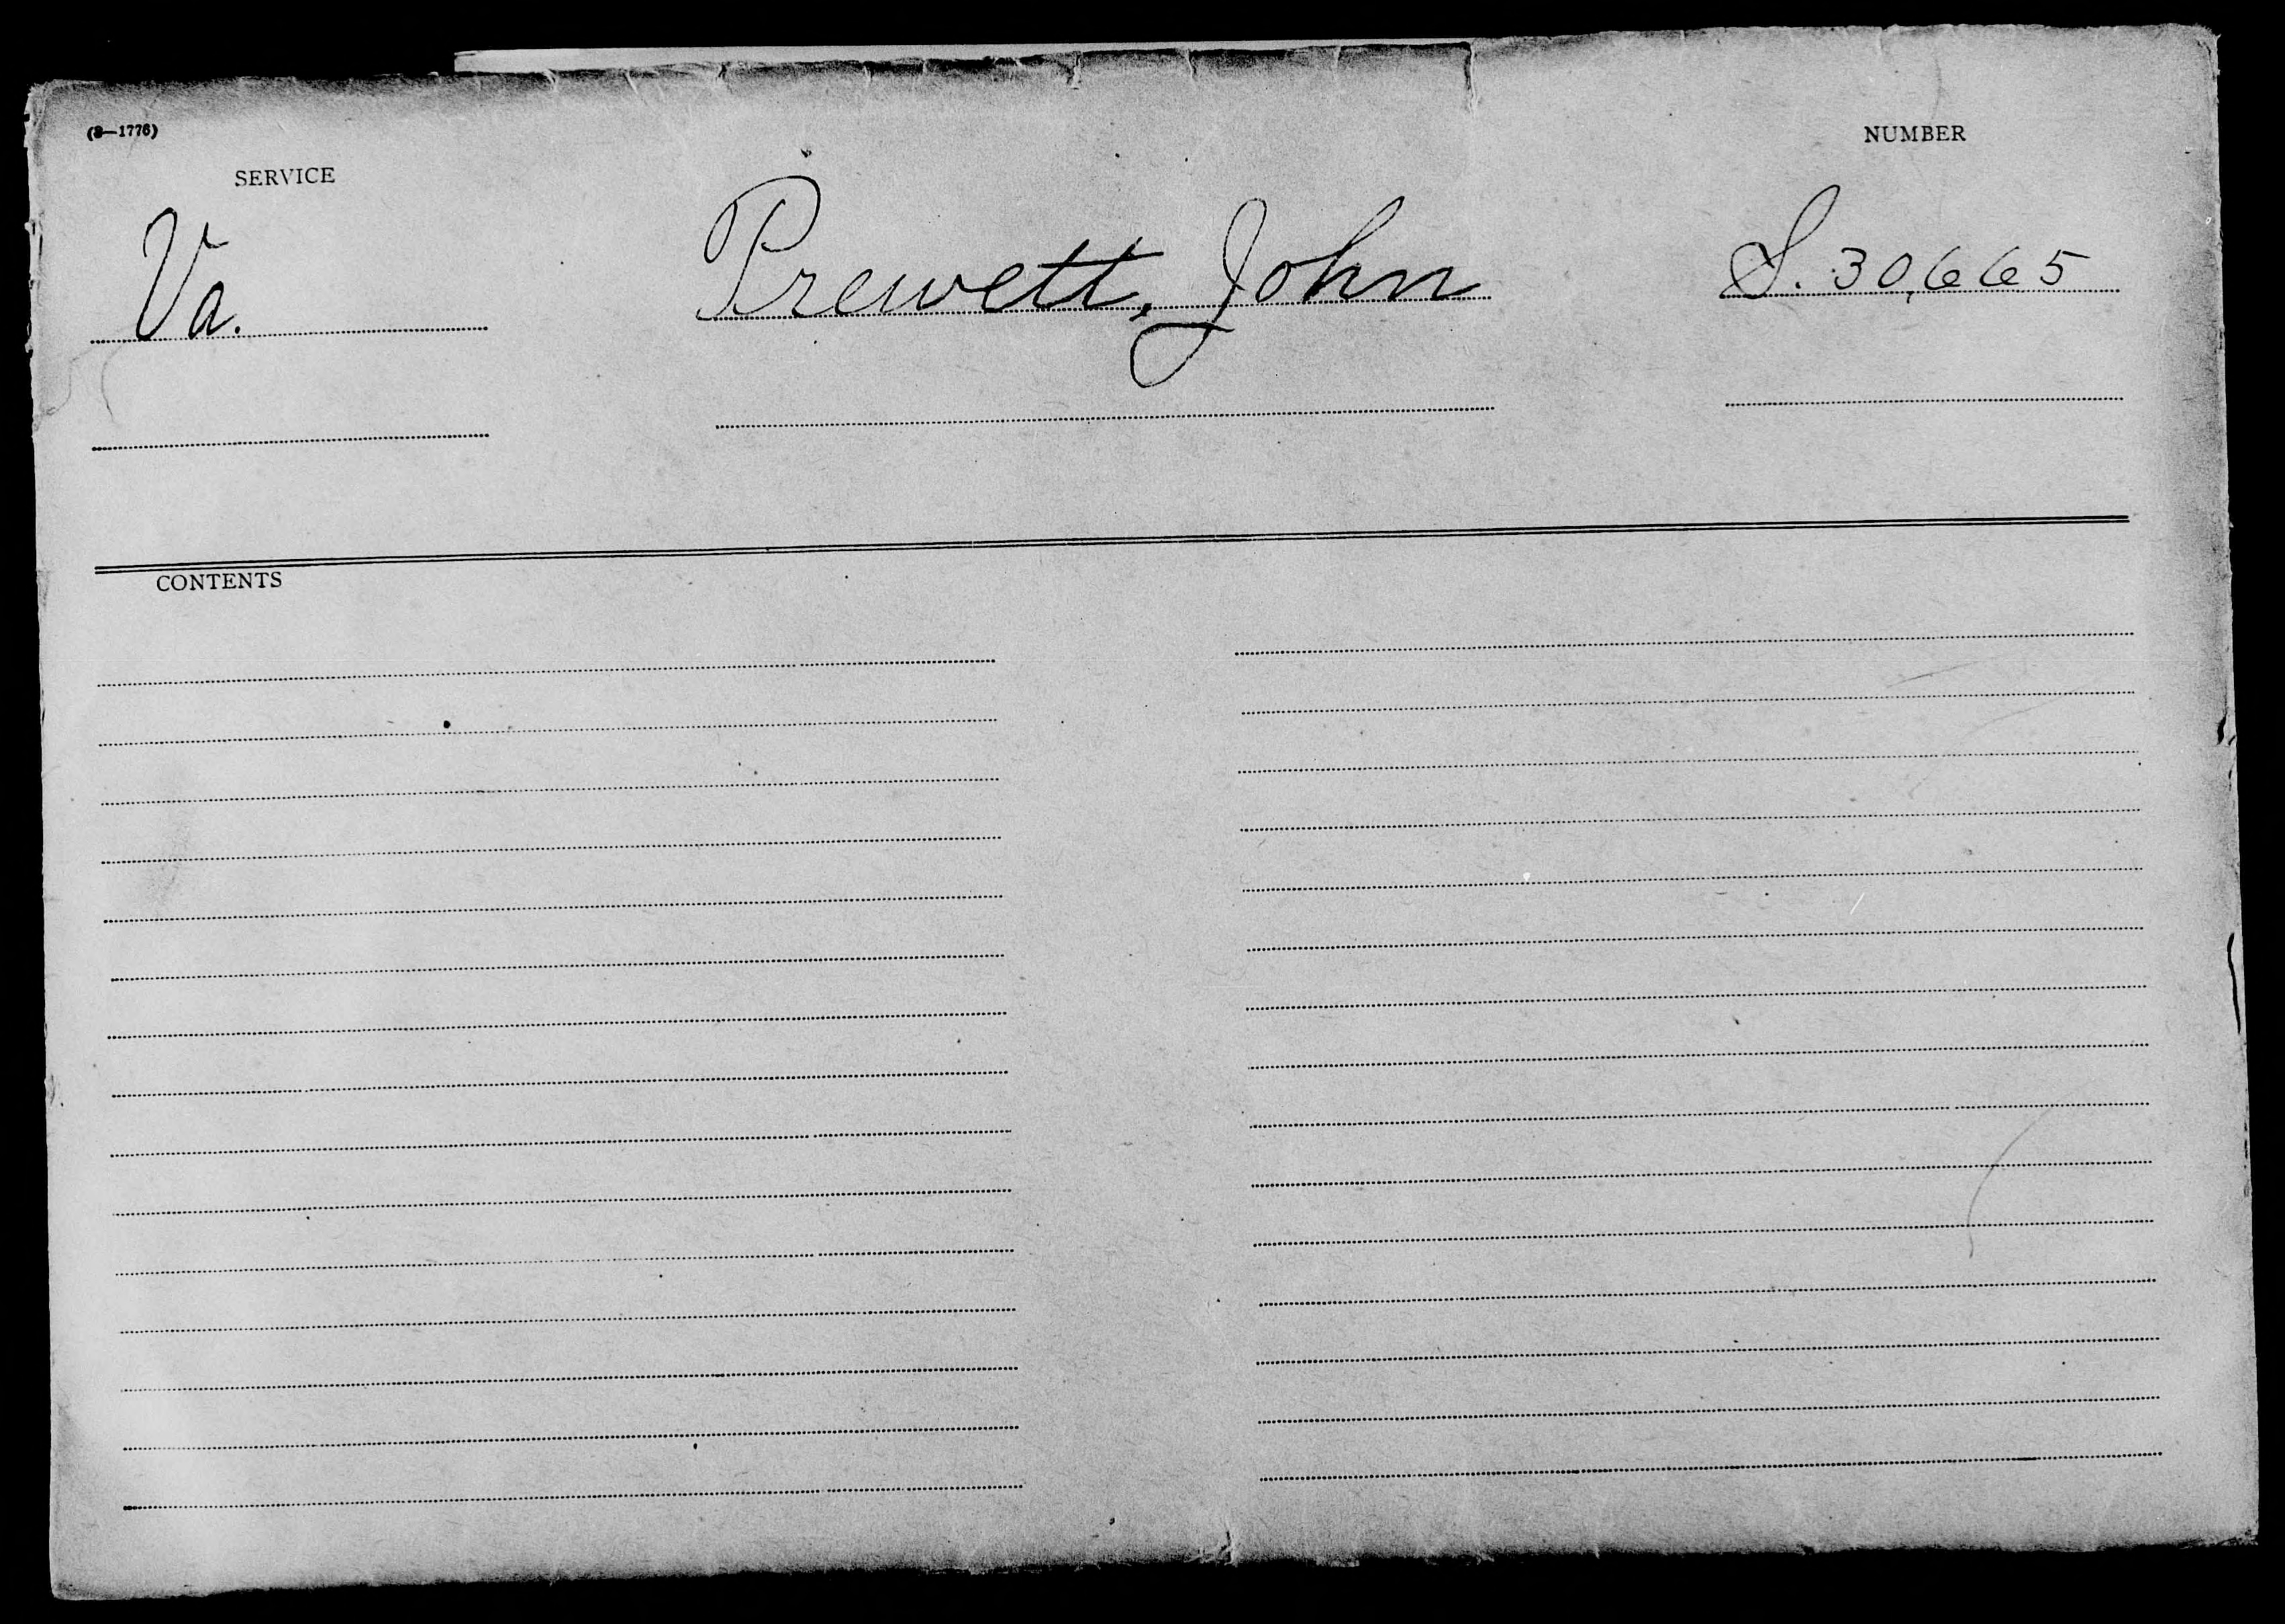SERVICE NUMBER Va. Prewett, John S. 30,665 CONTENTS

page: 1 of 35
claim: survivor's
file: S. 30,665, for John Prewett, Virginia